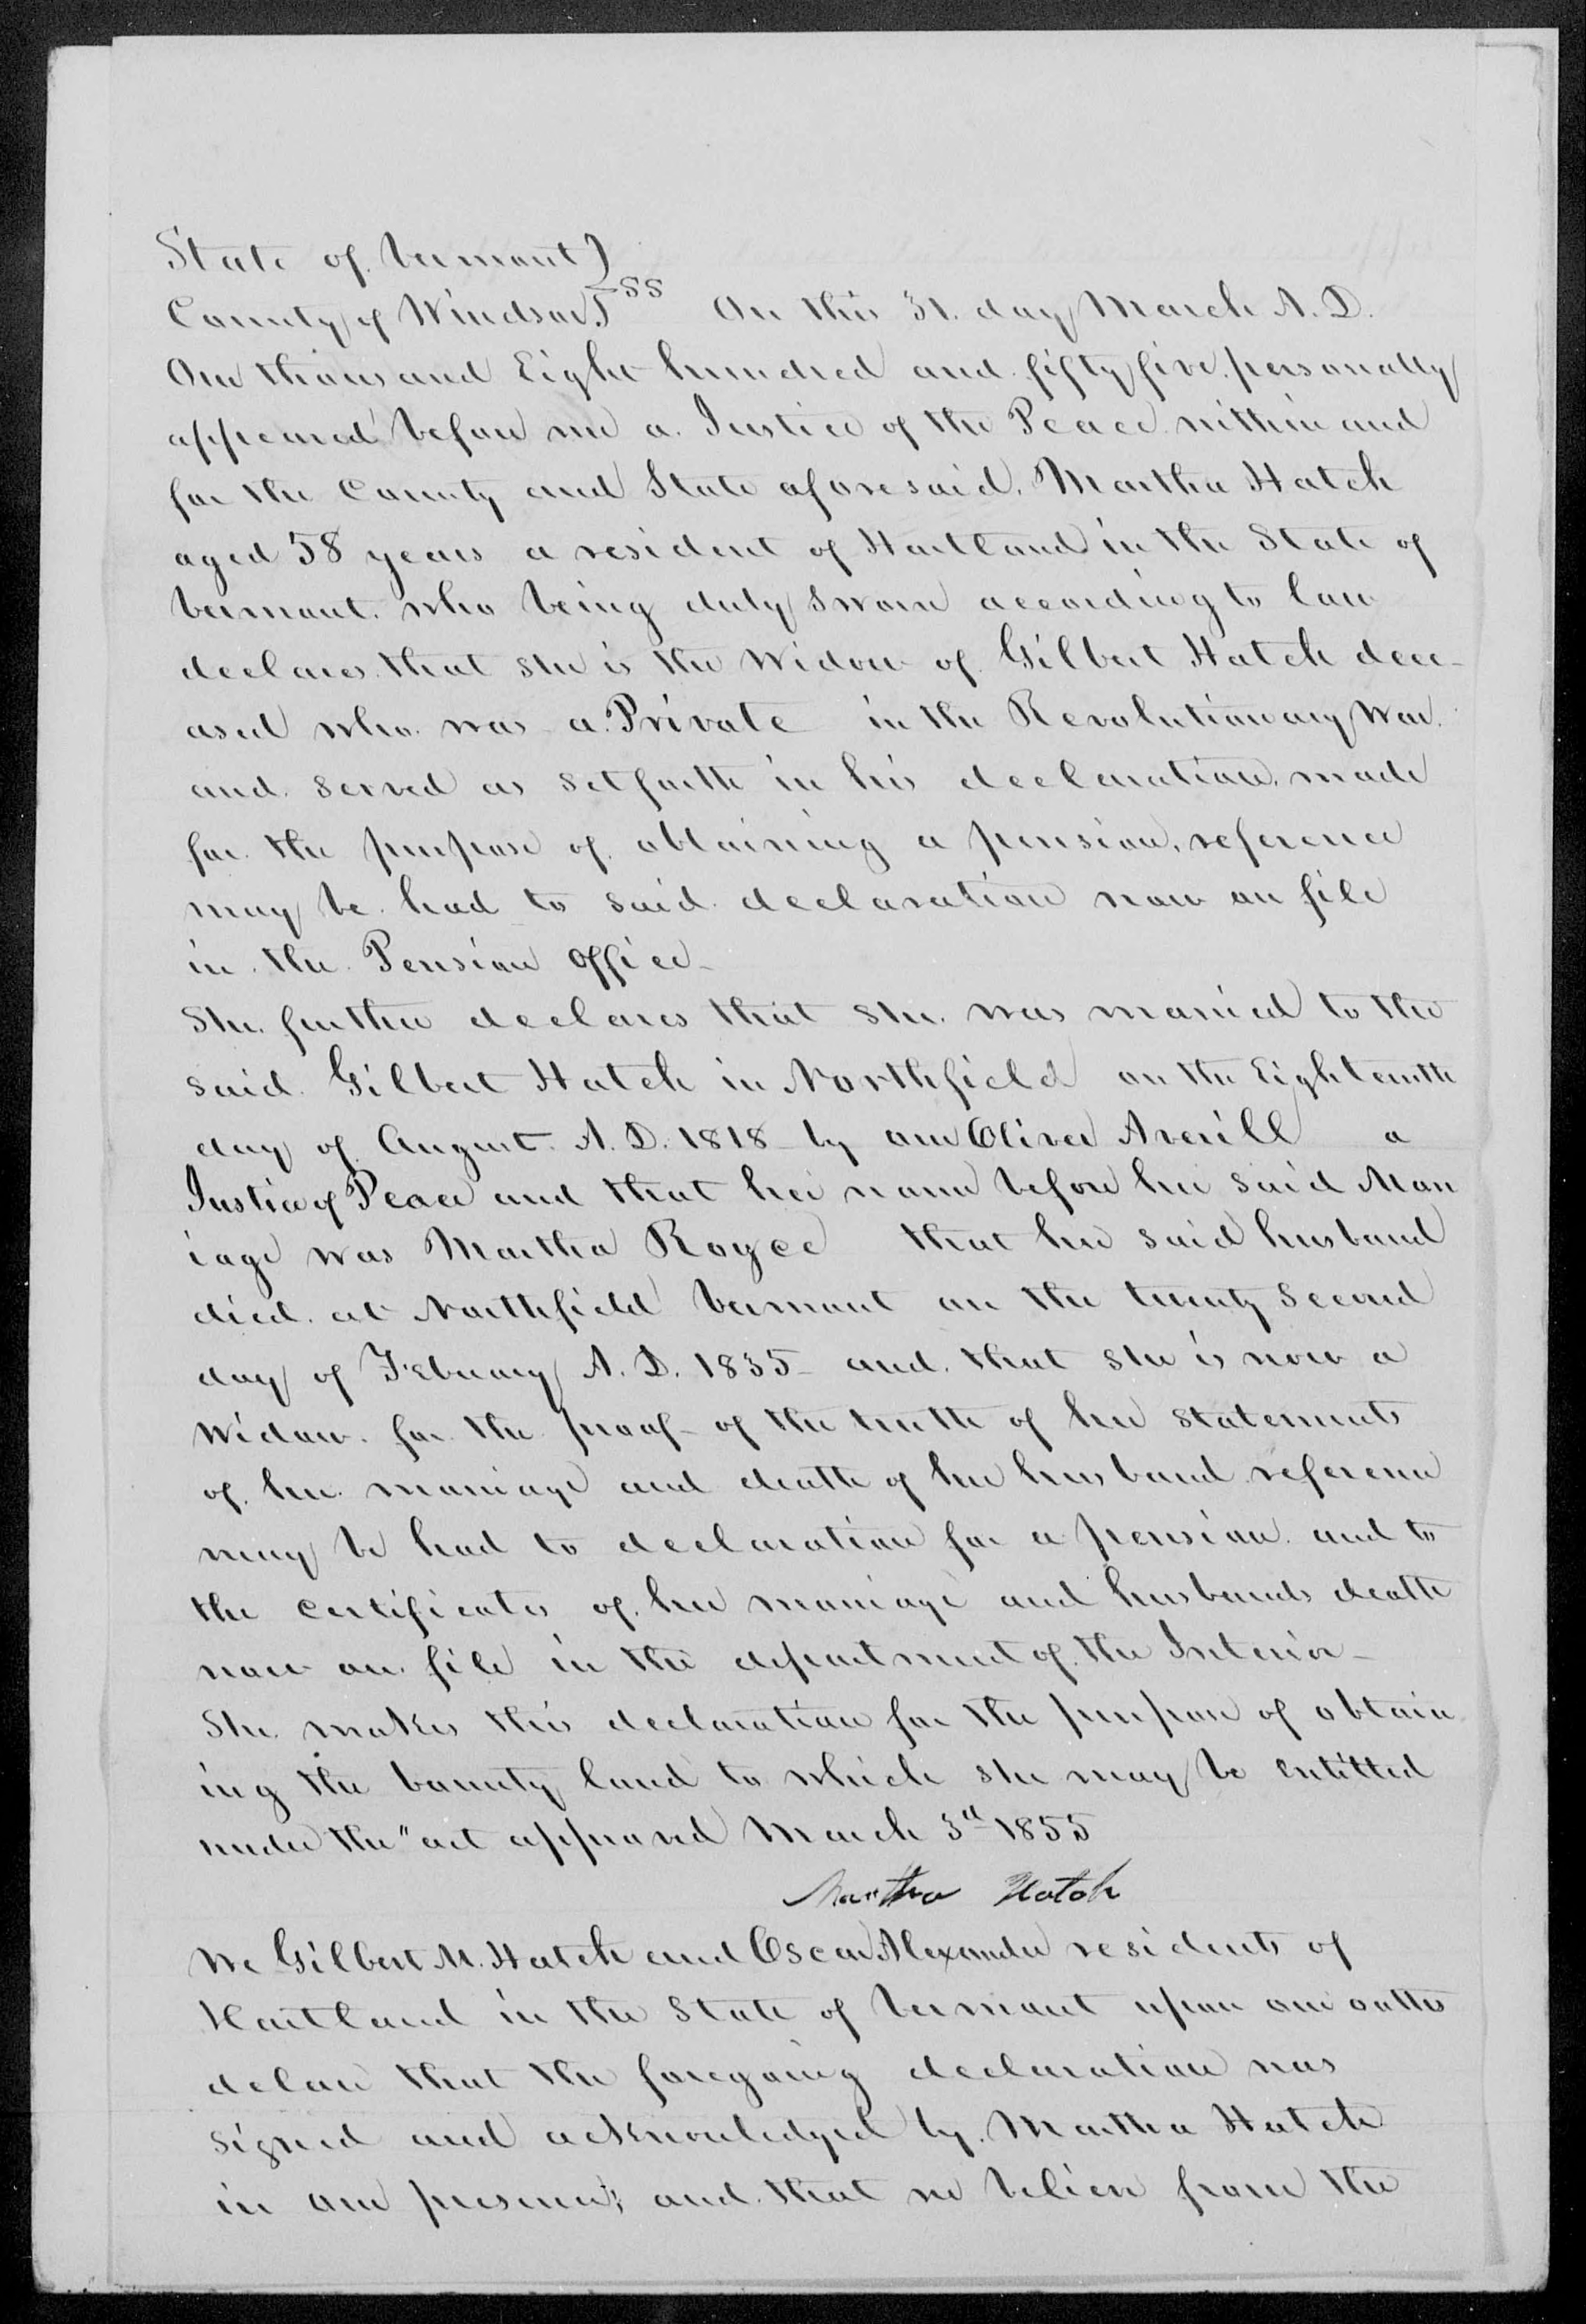State of Vermont }
County of Windsor } ss  On this 31 day March A.D. One thousand Eight hundred and fifty five, personally appeared before me a Justice of the Peace within and for the County and State aforesaid. Martha Hatch aged 58 years a resident of Hartland in the State of Vermont, who being duly sworn according to law declares that she is the widow of Gilbert Hatch deceased who was a Private in the Revolutionary War and served as set forth in his declaration made for the purpose of obtaining a pension, reference may be had to said declaration now on file in the Pension Office.

She further declares that she was married to the said Gilbert Hatch in Northfield on the Eighteenth day of August A.D. 1818 by an Oliver Averill a Justice of Peace and that her name before her said marriage was Martha Royce that her said husband died at Northfield Vermont on the twenty second day of February A.D. 1835 - and that she is now a widow for the proof of the truth of her statements of her marriage and death of her husband reference may be had to declaration for a pension and to the certificates of her marriage and husband's death now on file in the department of the Interior. She makes this declaration for the purpose of obtaining the bounty land to which she may be entitled under the "Act approved March 3" 1855.

Martha Hatch

We Gilbert M Hatch and Oscar Alexander residents of Hartland in the State of Vermont upon our oaths declare that the foregoing declaration was signed and acknowledged by Martha Hatch in and presence and that we believe from the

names: Gilbert M Hatch, Oscar Alexander, Gilbert Hatch, Martha Hatch, Martha Hatch, Martha Royce, Oliver Averill, Gilbert Hatch, Martha Hatch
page: 12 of 47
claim: widow's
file: W. 225, Gilbert Hatch, Conn.